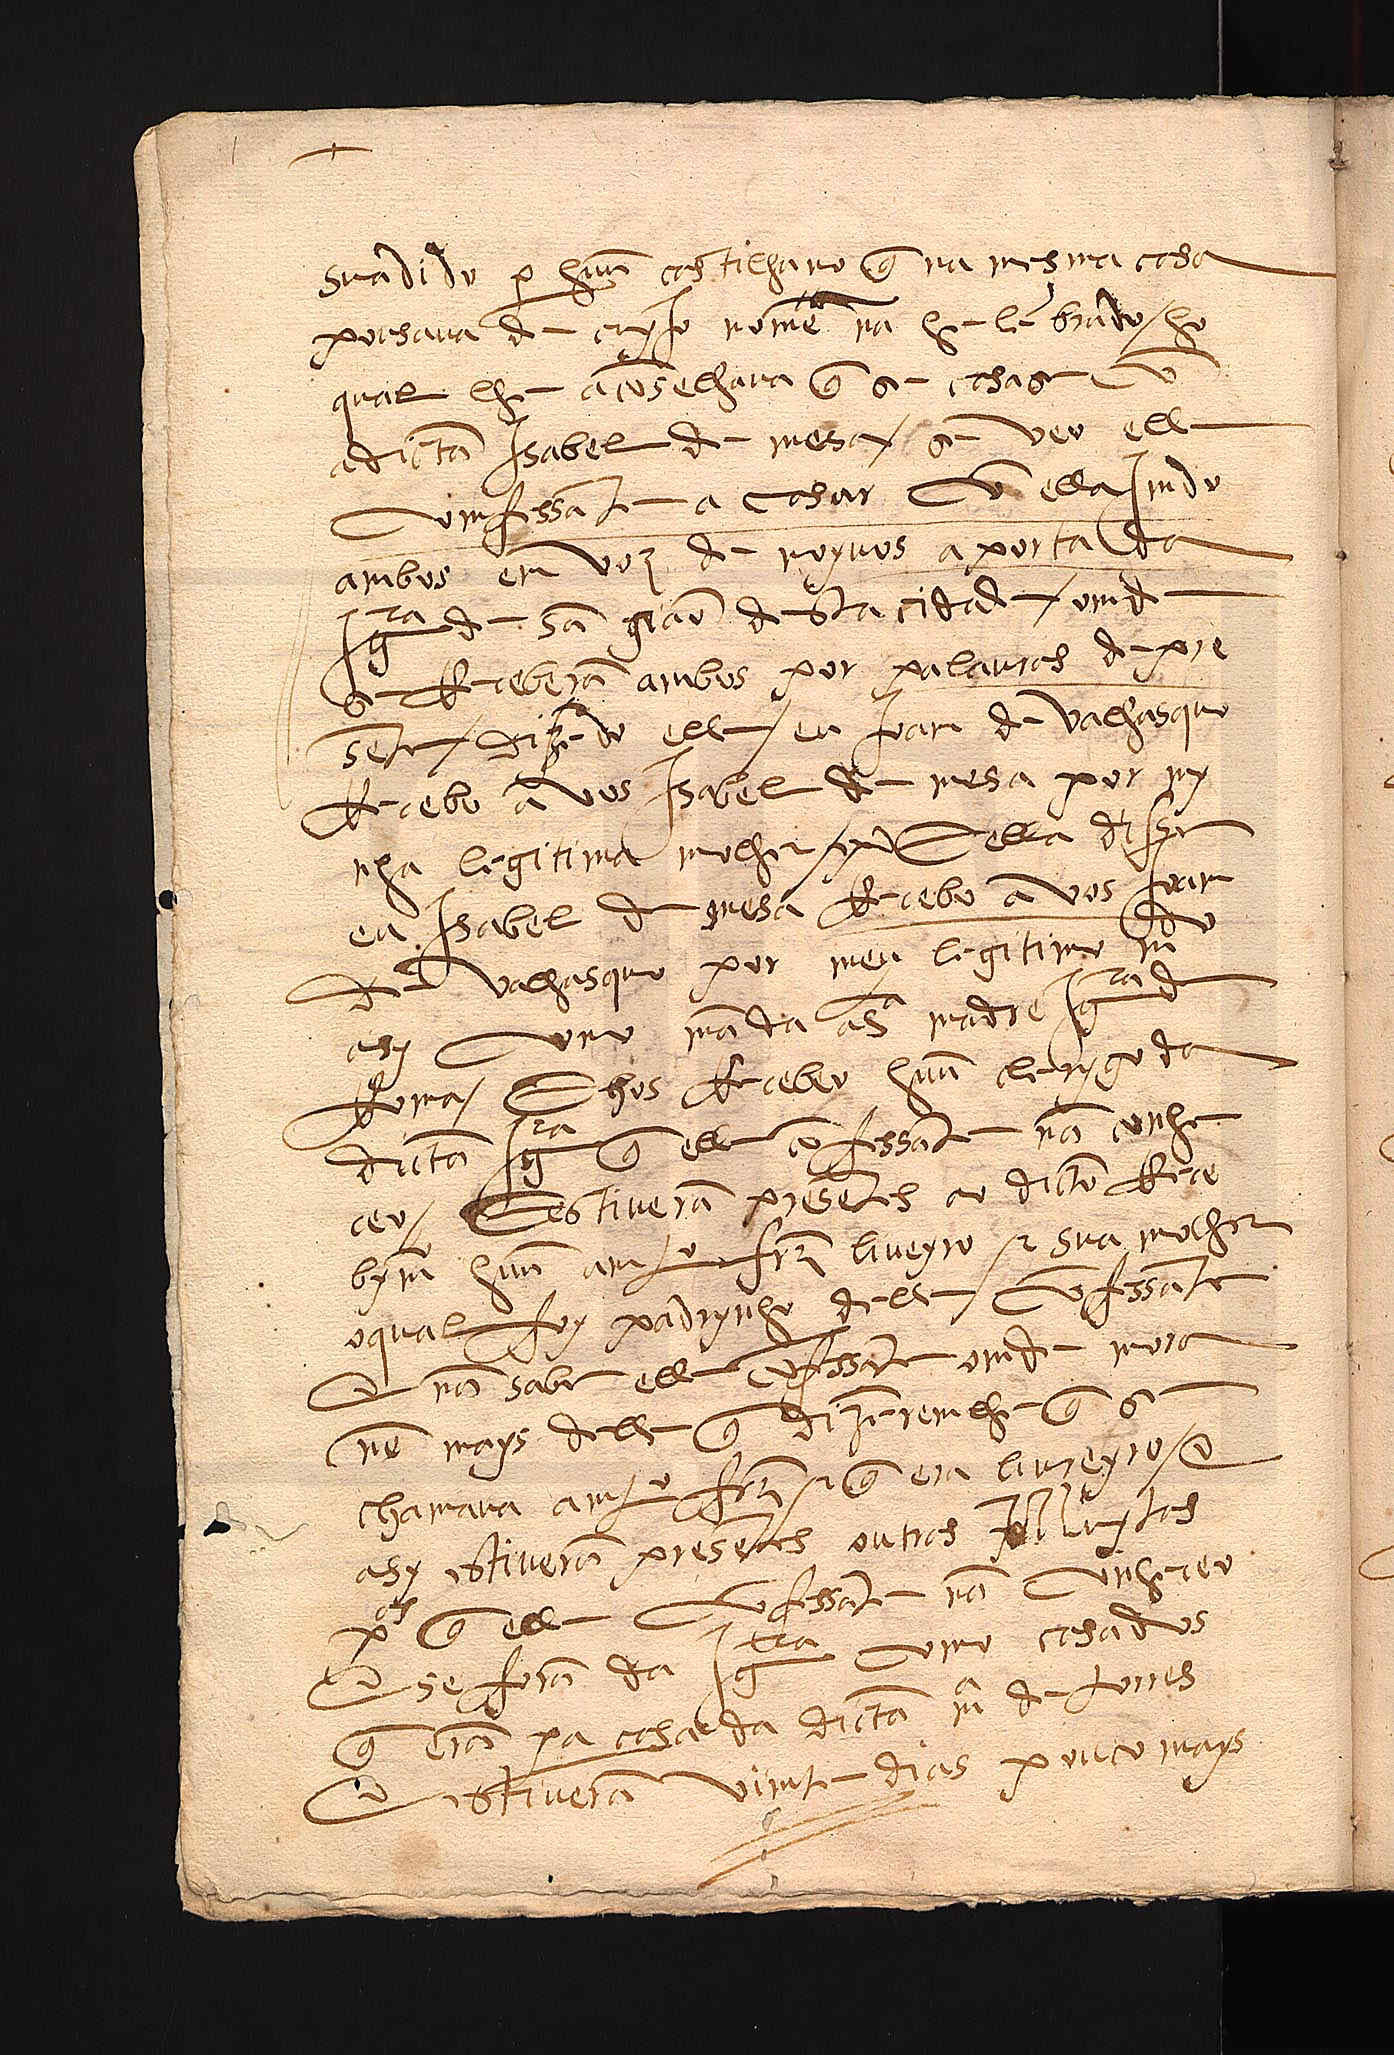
suadido ꝑ hu̅u castilhano q̅ na mesma casa
pousaua de cuyjo no̅me n̅a he le̅brado / ho
quaL lhe a̅coselhaua q̅ se casase c̅o
a di̅cta JsabeL de mesa / se veo elle
Comfess̅ate a casar Cō ella Jmdo
ambos em voz de noyuos a porta da
Jgra de s̅a giaõ desta cidade / omde
se Recebera̅ ambos por palauras de pre
s̅ete / diz̅edo elle / eu Joam de Valhasquo
Recebo a vos JsabeL de mesa por my
nha legitima molher e c̅ꝭ E ella disse
eu JsabeL de mesa Recebo a vos Joam
de Valhasquo por meu legitimo mdo
asy Como m̅ada a sta madre Jgra de
Roma / E hos Recebeo hu̅u clerygo da
di̅cta Jg̅ra q̅ elle c̅ofessa̅te n̅a conhe
ceo / E estiuera̅ pres̅etes ao di̅cto Rece
bymo hu̅u amto fr̅z liueyro e sua molher
o qual foy padrynho delle / C̄ofess̅ate
e n̅a sabe elle c̅ofessa̅te omde mora
n̅e mays delle q̅ di̅zerem lhe q̅ se
chamaua amto fr̅z e q̅ era liureyro / e
asy estiuera̅ pres̅etes outras J Muytas
pas q̅ elle Cōfessāte n̅a Conheceo
e se fora̅ da Jgra Como casados
q̅ e̅ra ꝑa casa da dīcta ma de torres
e estiuer̅a vimte dias pouco mays
